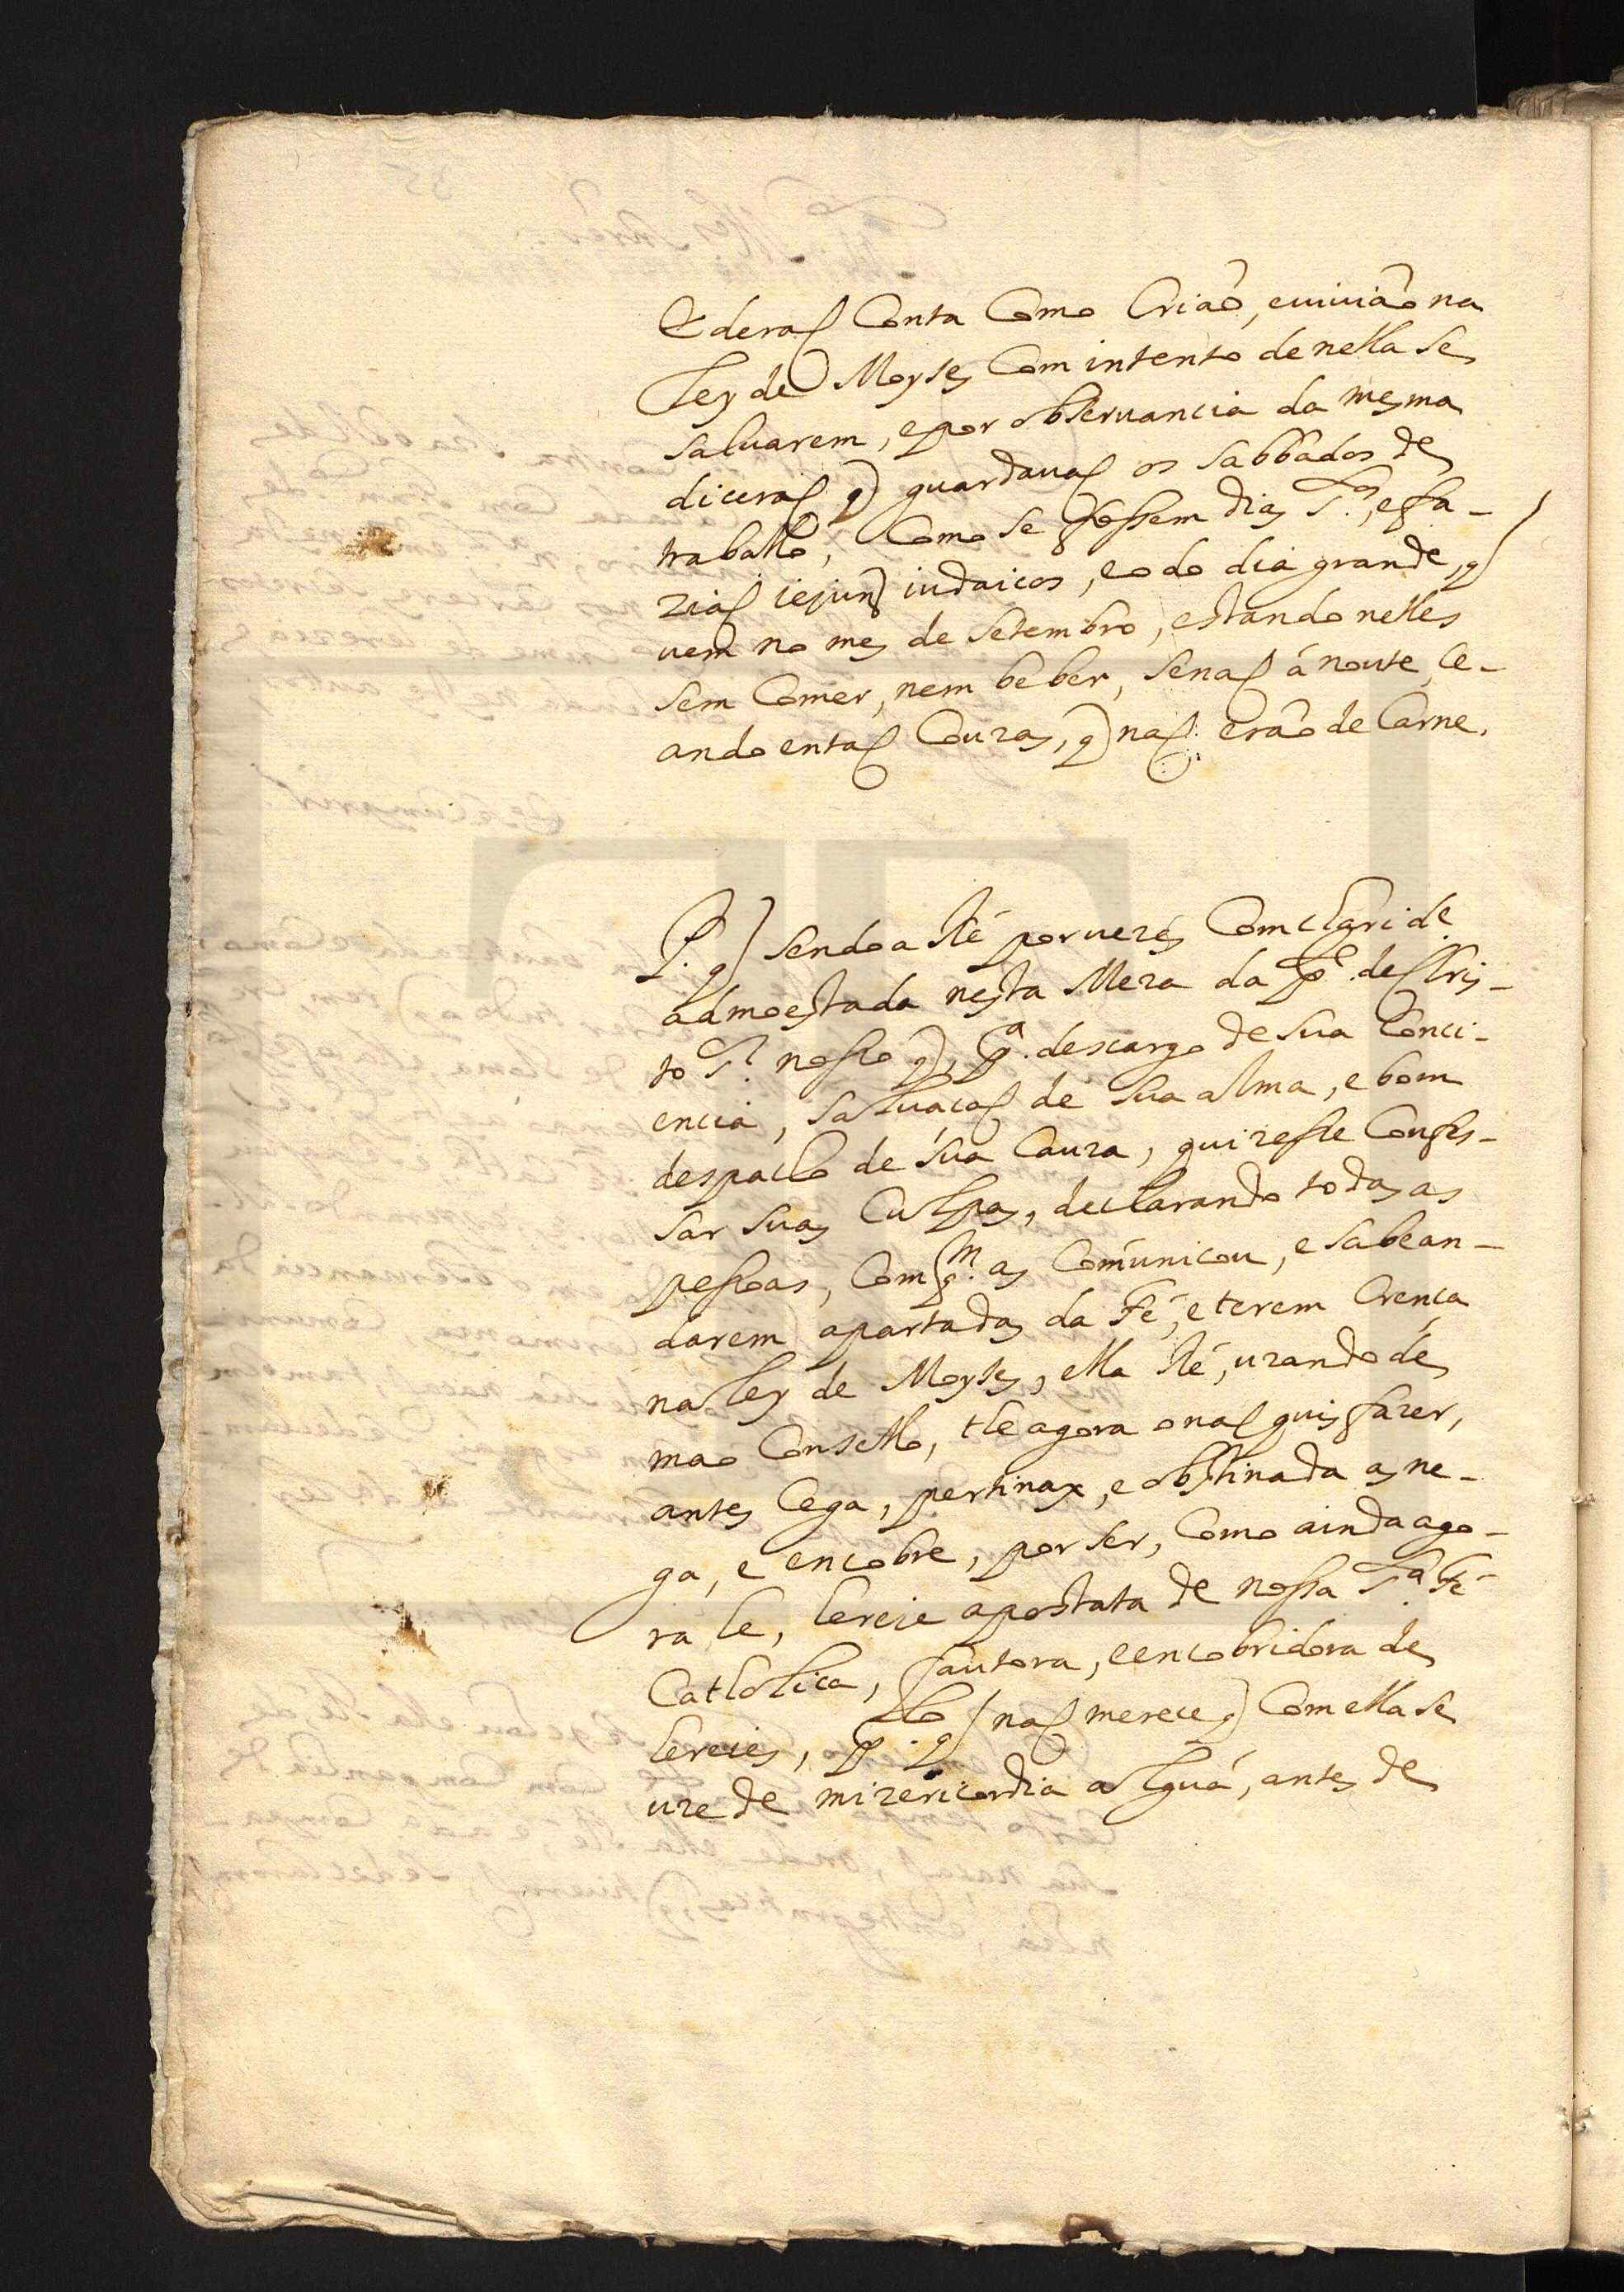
E deraõ Conta Como Criaõ, e uiuiaõ na
Ley de Moyses Com intento de nella se
saluarem, e por obseruancia da mesma
diceraõ q̄ guardauaõ os sabbados de
trabalho, Como se fossem dias s.tos e fa
ziaõ iejuns iudaicos, e o do dia grande, q̄
uem no mes de Setembro, estando nelles
Sem Comer, nem beber, senaõ á noute, ce
ando entaõ couzas, q̄ naõ eraõ de Carne.
P. q̄ Sendo a Ré por uezes Com charid.e
admoestada nesta Meza da p.te de Chris
to s.or NoSso q̄, p.a descargo de sua Conci
encia, saluaçaõ de sua alma, e bom
despacho de sua Cauza, quizesse Confes
sar suas Culpas, declarando todas as
pessoas, Com q.m as Com̄unicou, e sabe an
darem apartadas da Fé, e terem Crença
na Ley de Moyses, ella Ré, uzando de
mao Conselho, the agora o naõ quis fazer,
antes Cega, pertinax, e obstinada as ne
ga, e encobre, por ser, Como ainda ago
ra he, hereie apostata de nossa s.ta Fé
Catholica, fautora, e encobridora de
hereies, p.lo q̄ naõ merece q̄ Com ella se
uze de mizericordia alguā, antes de
